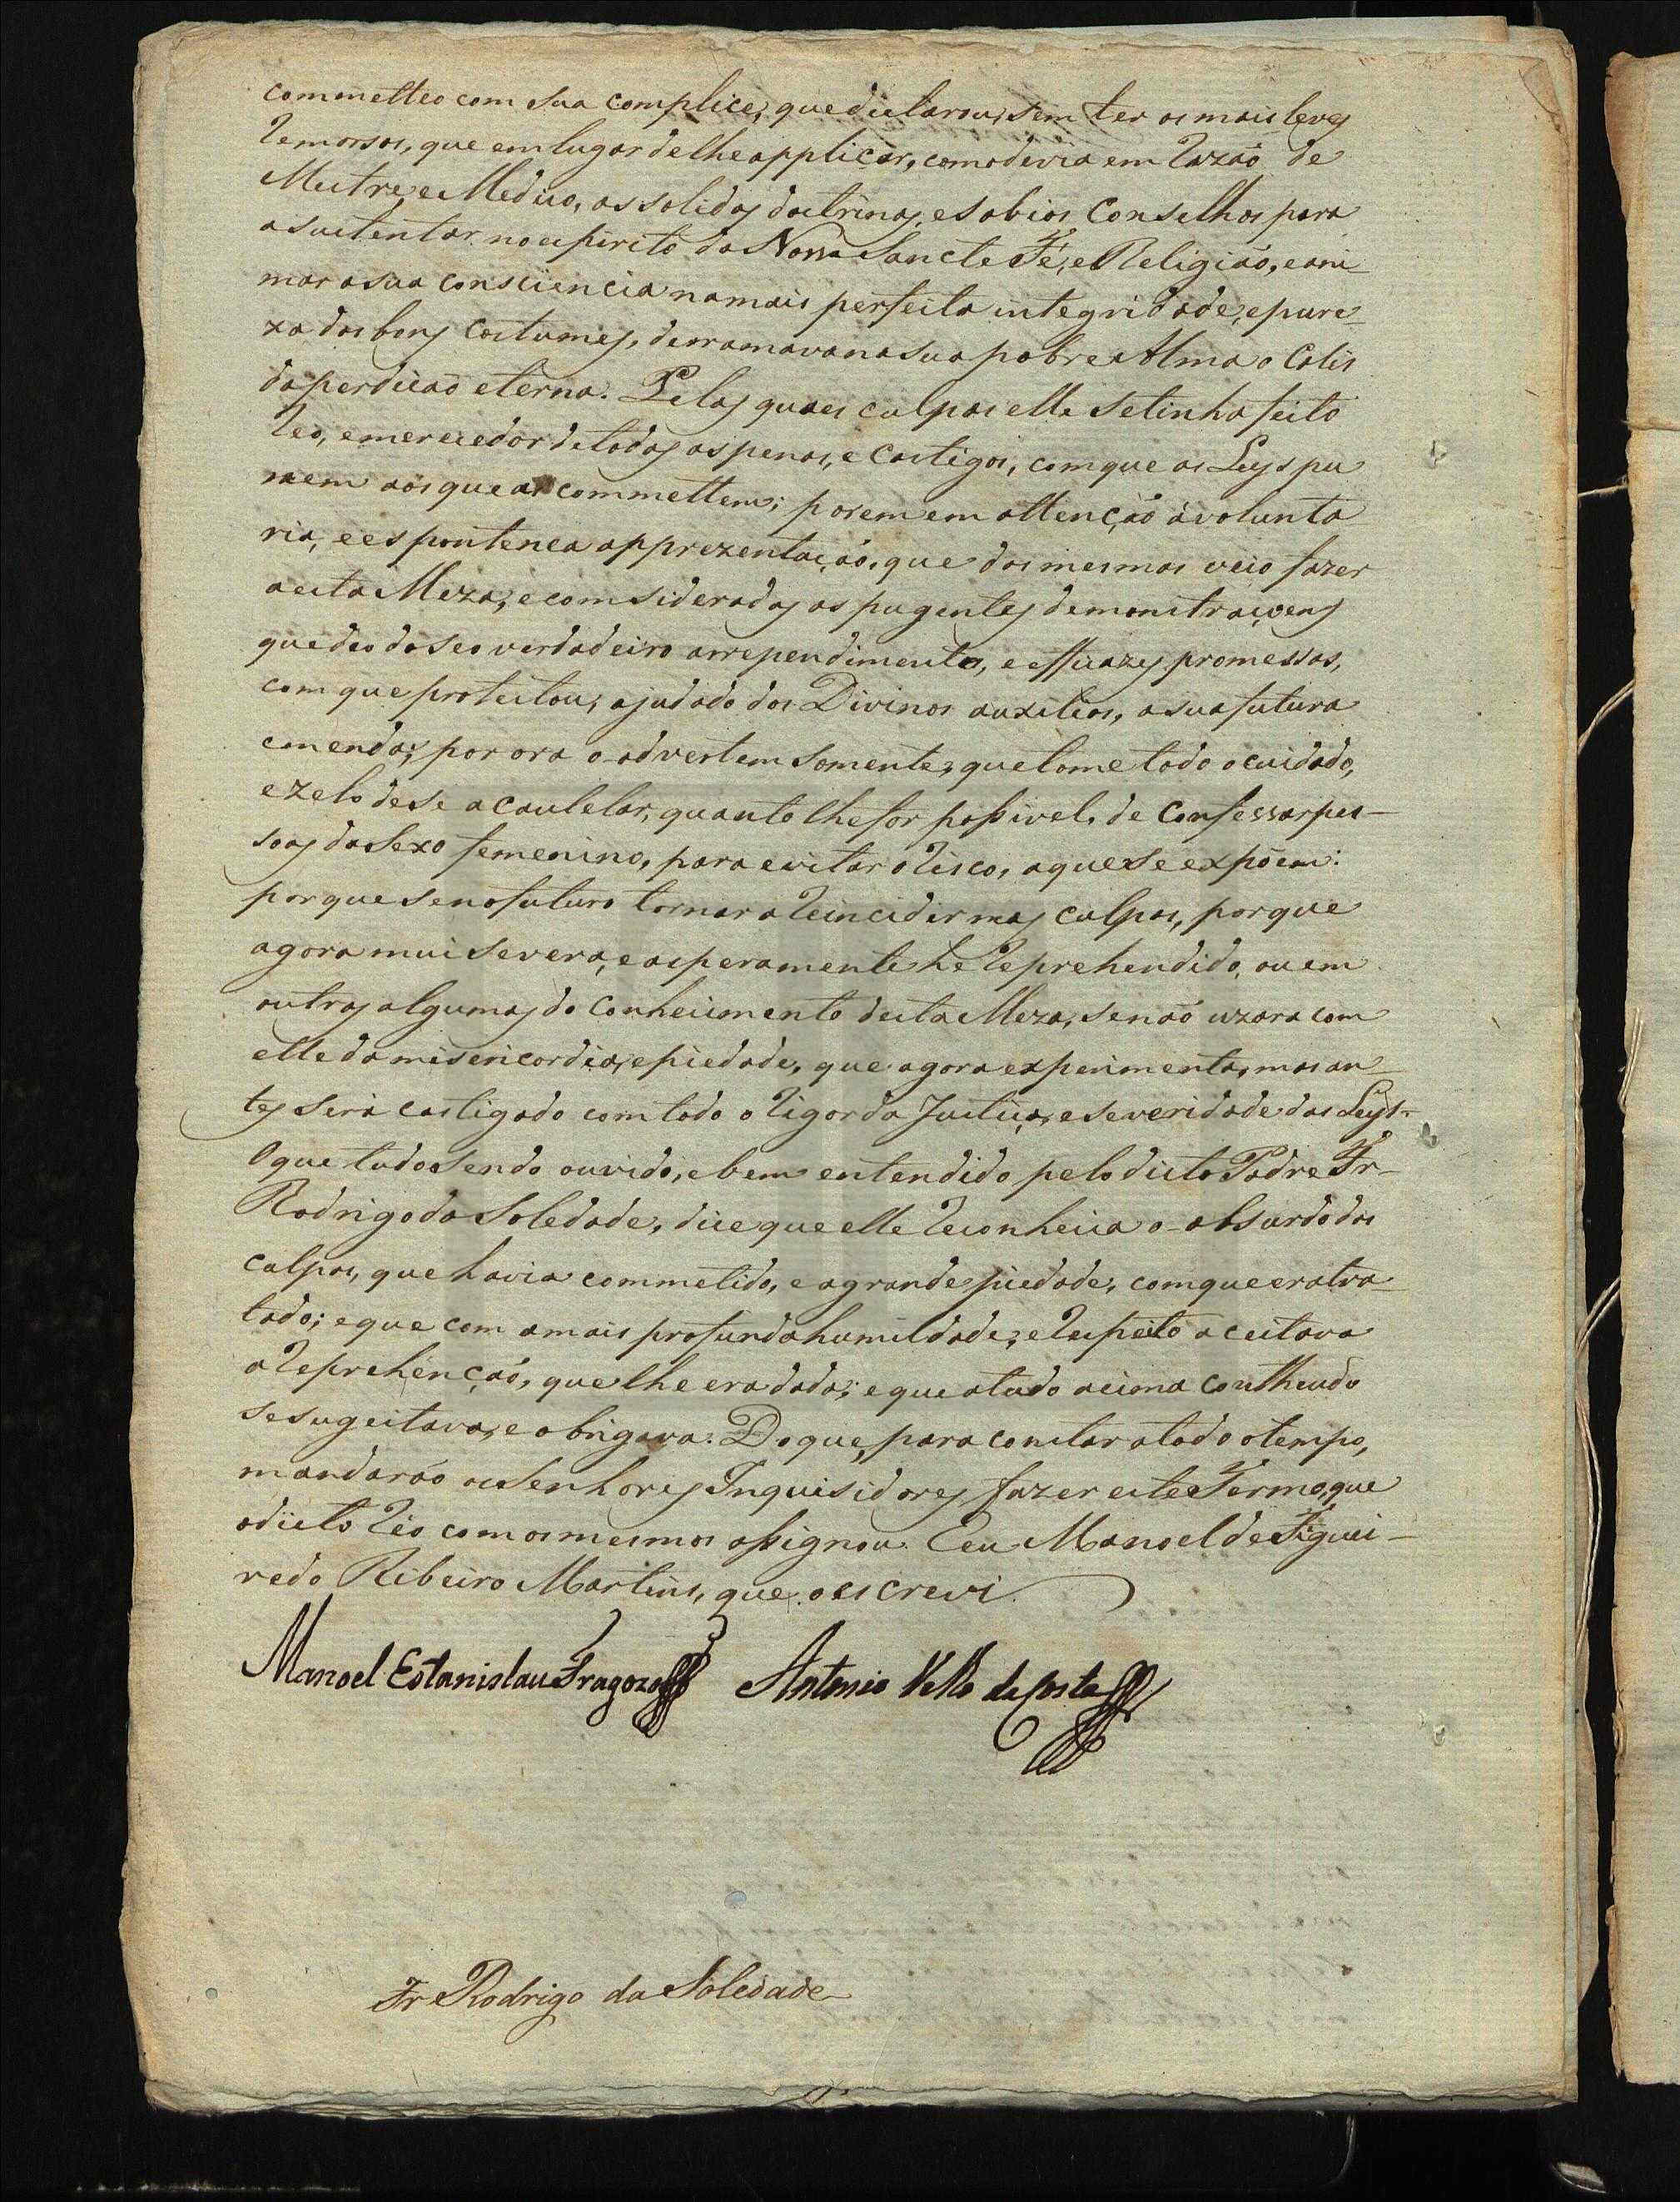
commetteo com sua complice, que declarou, sem ter os mais leves
Remorsos, que em lugar de lhe applicar, como devia em Razaõ de
Mestre, e Medico, as solidas doctrinas, e sabios conselhos para
a sustentar no espirito da Nossa Sancta Fé, e Religiaõ, e ani
mar a sua consciencia na mais perfeita integridade, e pure
za dos bons costumes, derramava na sua pobre Alma o Calis
da perdiçaõ eterna. Pelas quaes culpas elle se tinha feito
Reo, e merecedor de todas as penas, e castigos, com que as Leys pu
nem aos que as commettem; porem em attençaõ á volunta
ria, e espontenea apprezentaçaõ, que dos mesmos veio fazer
a esta Meza, e comsideradas as pugentes demonstraçoens
que deo de seo verdadeiro arrependimento, e efficazes promessas,
com que protestou, ajudado dos Divinos auxilios, a sua futura
emenda; por ora o advertem somente que tome todo o cuidado,
e zelo de se acautelar, quanto lhe for possivel de confessar pes
soas do sexo femenino, para evitar o Risco, a que se expoẽm
porque se no futuro tornar a Reincidir mas culpas, porque
agora mui severa, e asperamente he Reprehendido, ou em
outras algumas do conhecimento desta Meza, senaõ uzara com
elle da misericordia, e piedade, que agora experimenta, mas an
tes será castigado com todo o Rigor da Justiça, e severidade das Leys
O que tudo sendo ouvido, e bem entendido pelo dicto Padre Fr
Rodrigo da Soledade, dice que elle Reconhecia o absurdo das
culpas, que havia commetido, e a grande piedade, com que era tra
tado; e que com o mais profunda humildade, e Respeito aceitava
a Reprehençaõ, que lhe era dada; e que a tudo acima contheudo
se sugeitava, e obrigava. Do que, para constar a todo o tempo,
mandaraõ os Senhores Inquisidores fazer este Termo, que
o dicto Reo com os mesmos assignou E eu Manoel de Figuei
redo Ribeiro Martins, que o escrevi.
Manoel Estanislau Fragozo Antonio Velho da Costa
Fr Rodrigo da Soledade
